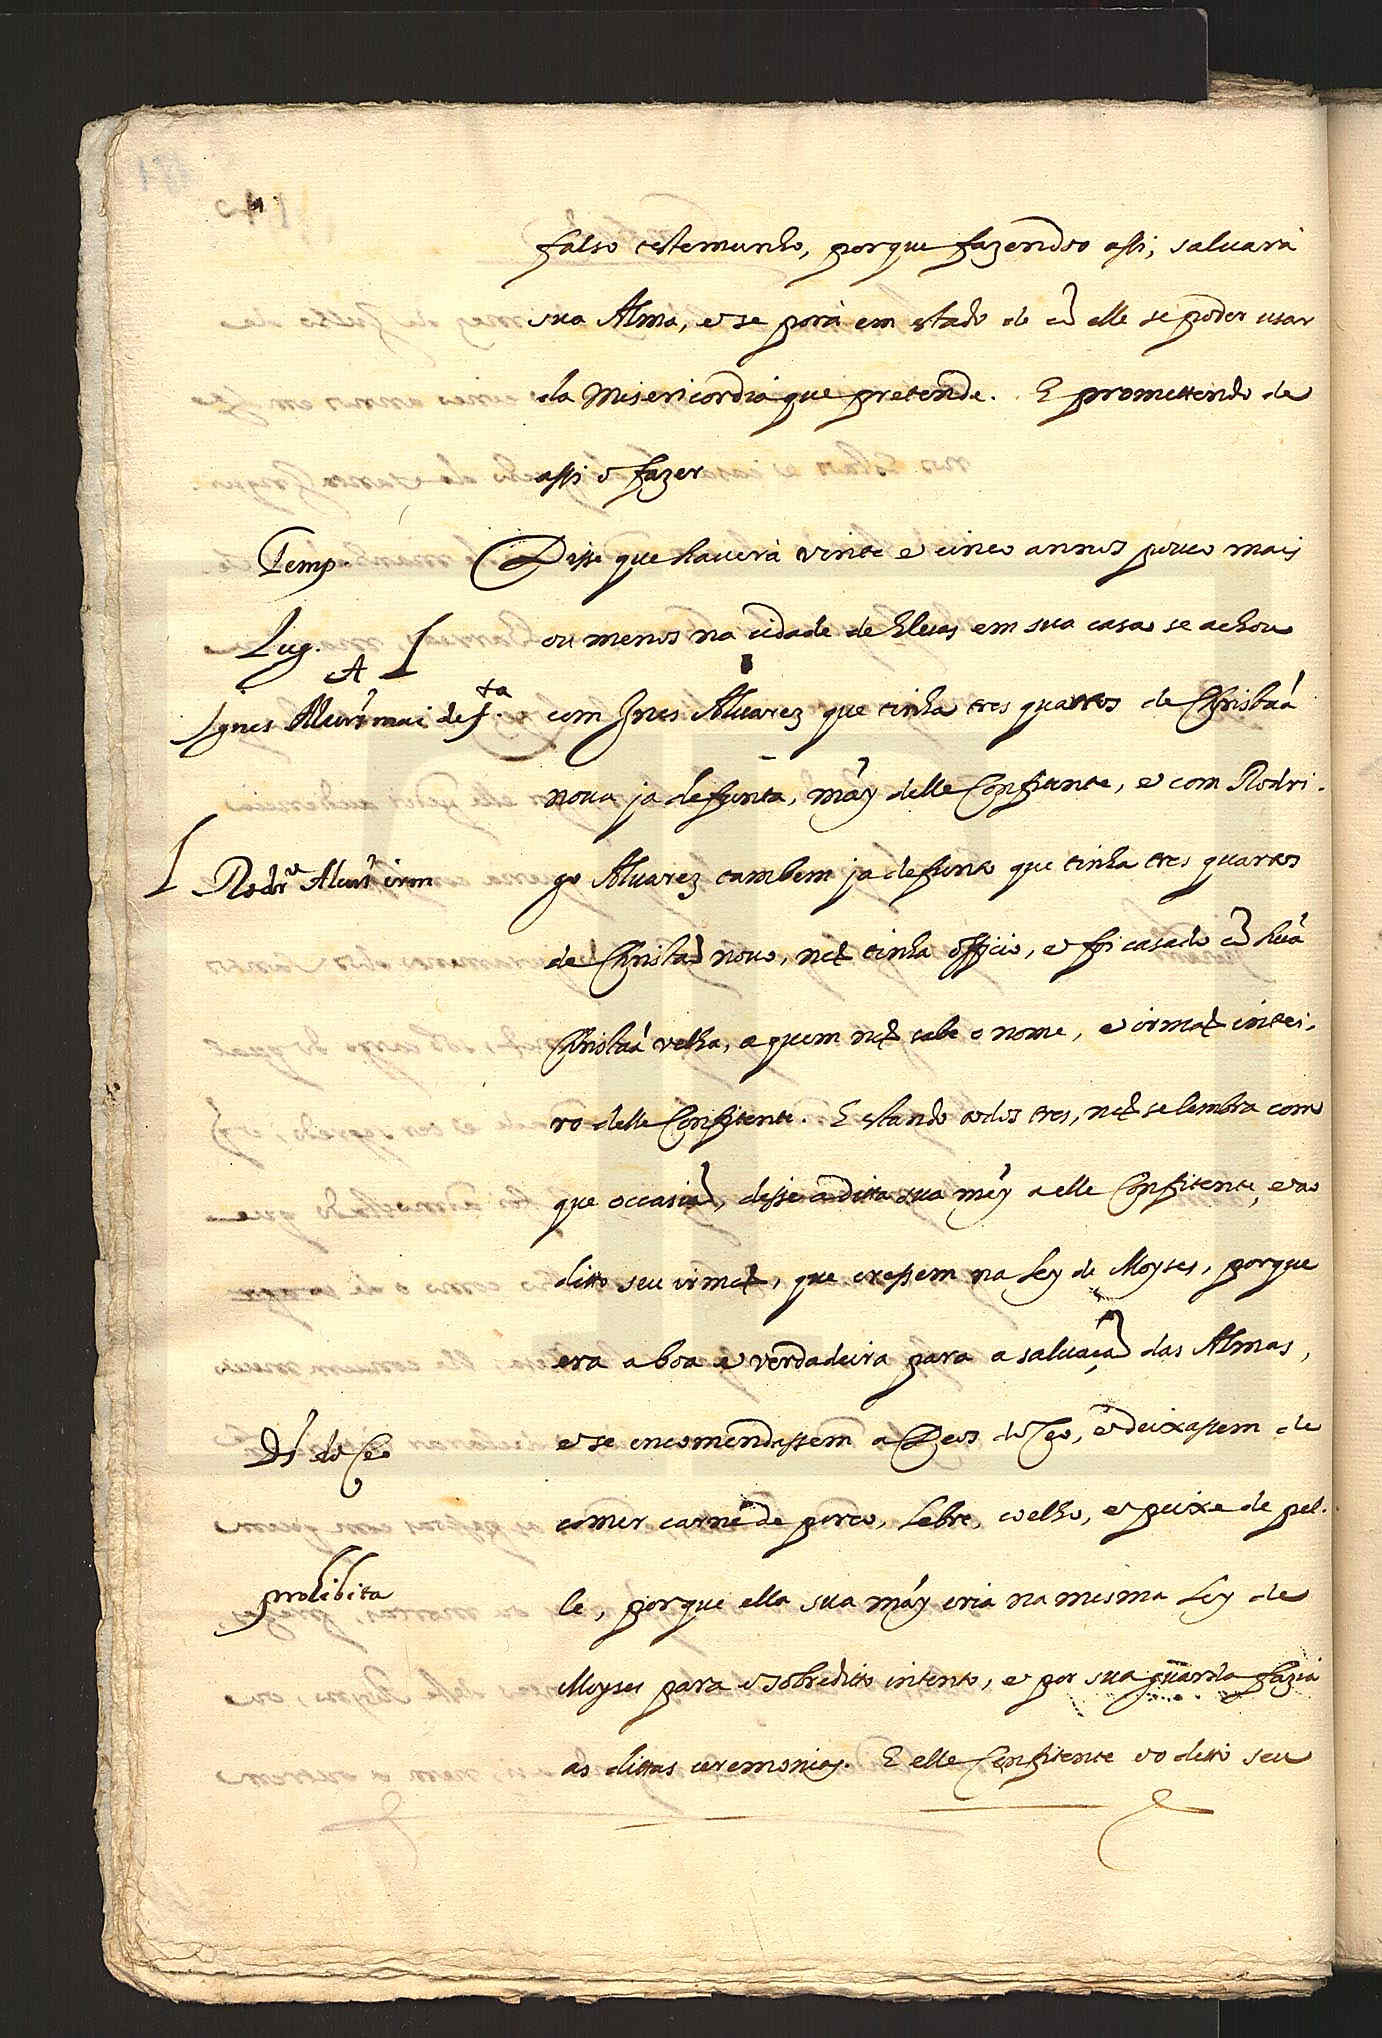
falso testemunho, porque fazendoo assi, saluara
sua Alma, e se porà em estado de cō elle se poder usar
da Misericordia que pretende. E promettendo de
assi o fazer
Disse que hauerà vinte e cinco annos pouco mais
Temp.
ou menos na cidade de Eluas em sua casa se achou
Lug.
A
Jgnes Alurs̄ mai defta.
com Jnes Aluarez que tinha tres quartos de Christaā
noua ja defunta, mãy delle Confitente, e com Rodri
go Aluarez tambem ja defunto que tinha tres quartos
Rodro Alurs̄ irm
de Christaõ nouo, naõ tinha officio, e foi casado cō huā
Christaā velha, a quem não sabe o nome, e irmaõ intei
ro delle Confitente. E estando todos tres, naõ se lembra com
que occasiaõ, disse a ditta sua mãy a elle Confitente, e ao
ditto seu irmaõ, que cressem na Ley de Moyses, porque
era a boa e verdadeira para a saluaçaõ das Almas,
e se encomendassem a Deos do Ceo, e deixassem de
Ds̄ do Ceo
comer carne de porco, Lebre, coelho, e peixe de pel
prohibita
le, porque ella sua mãy cria na mesma Ley de
Moyses para o sobreditto intento, e por sua guarda fazia
as dittas ceremonias. E elle Confitente e o ditto seu
